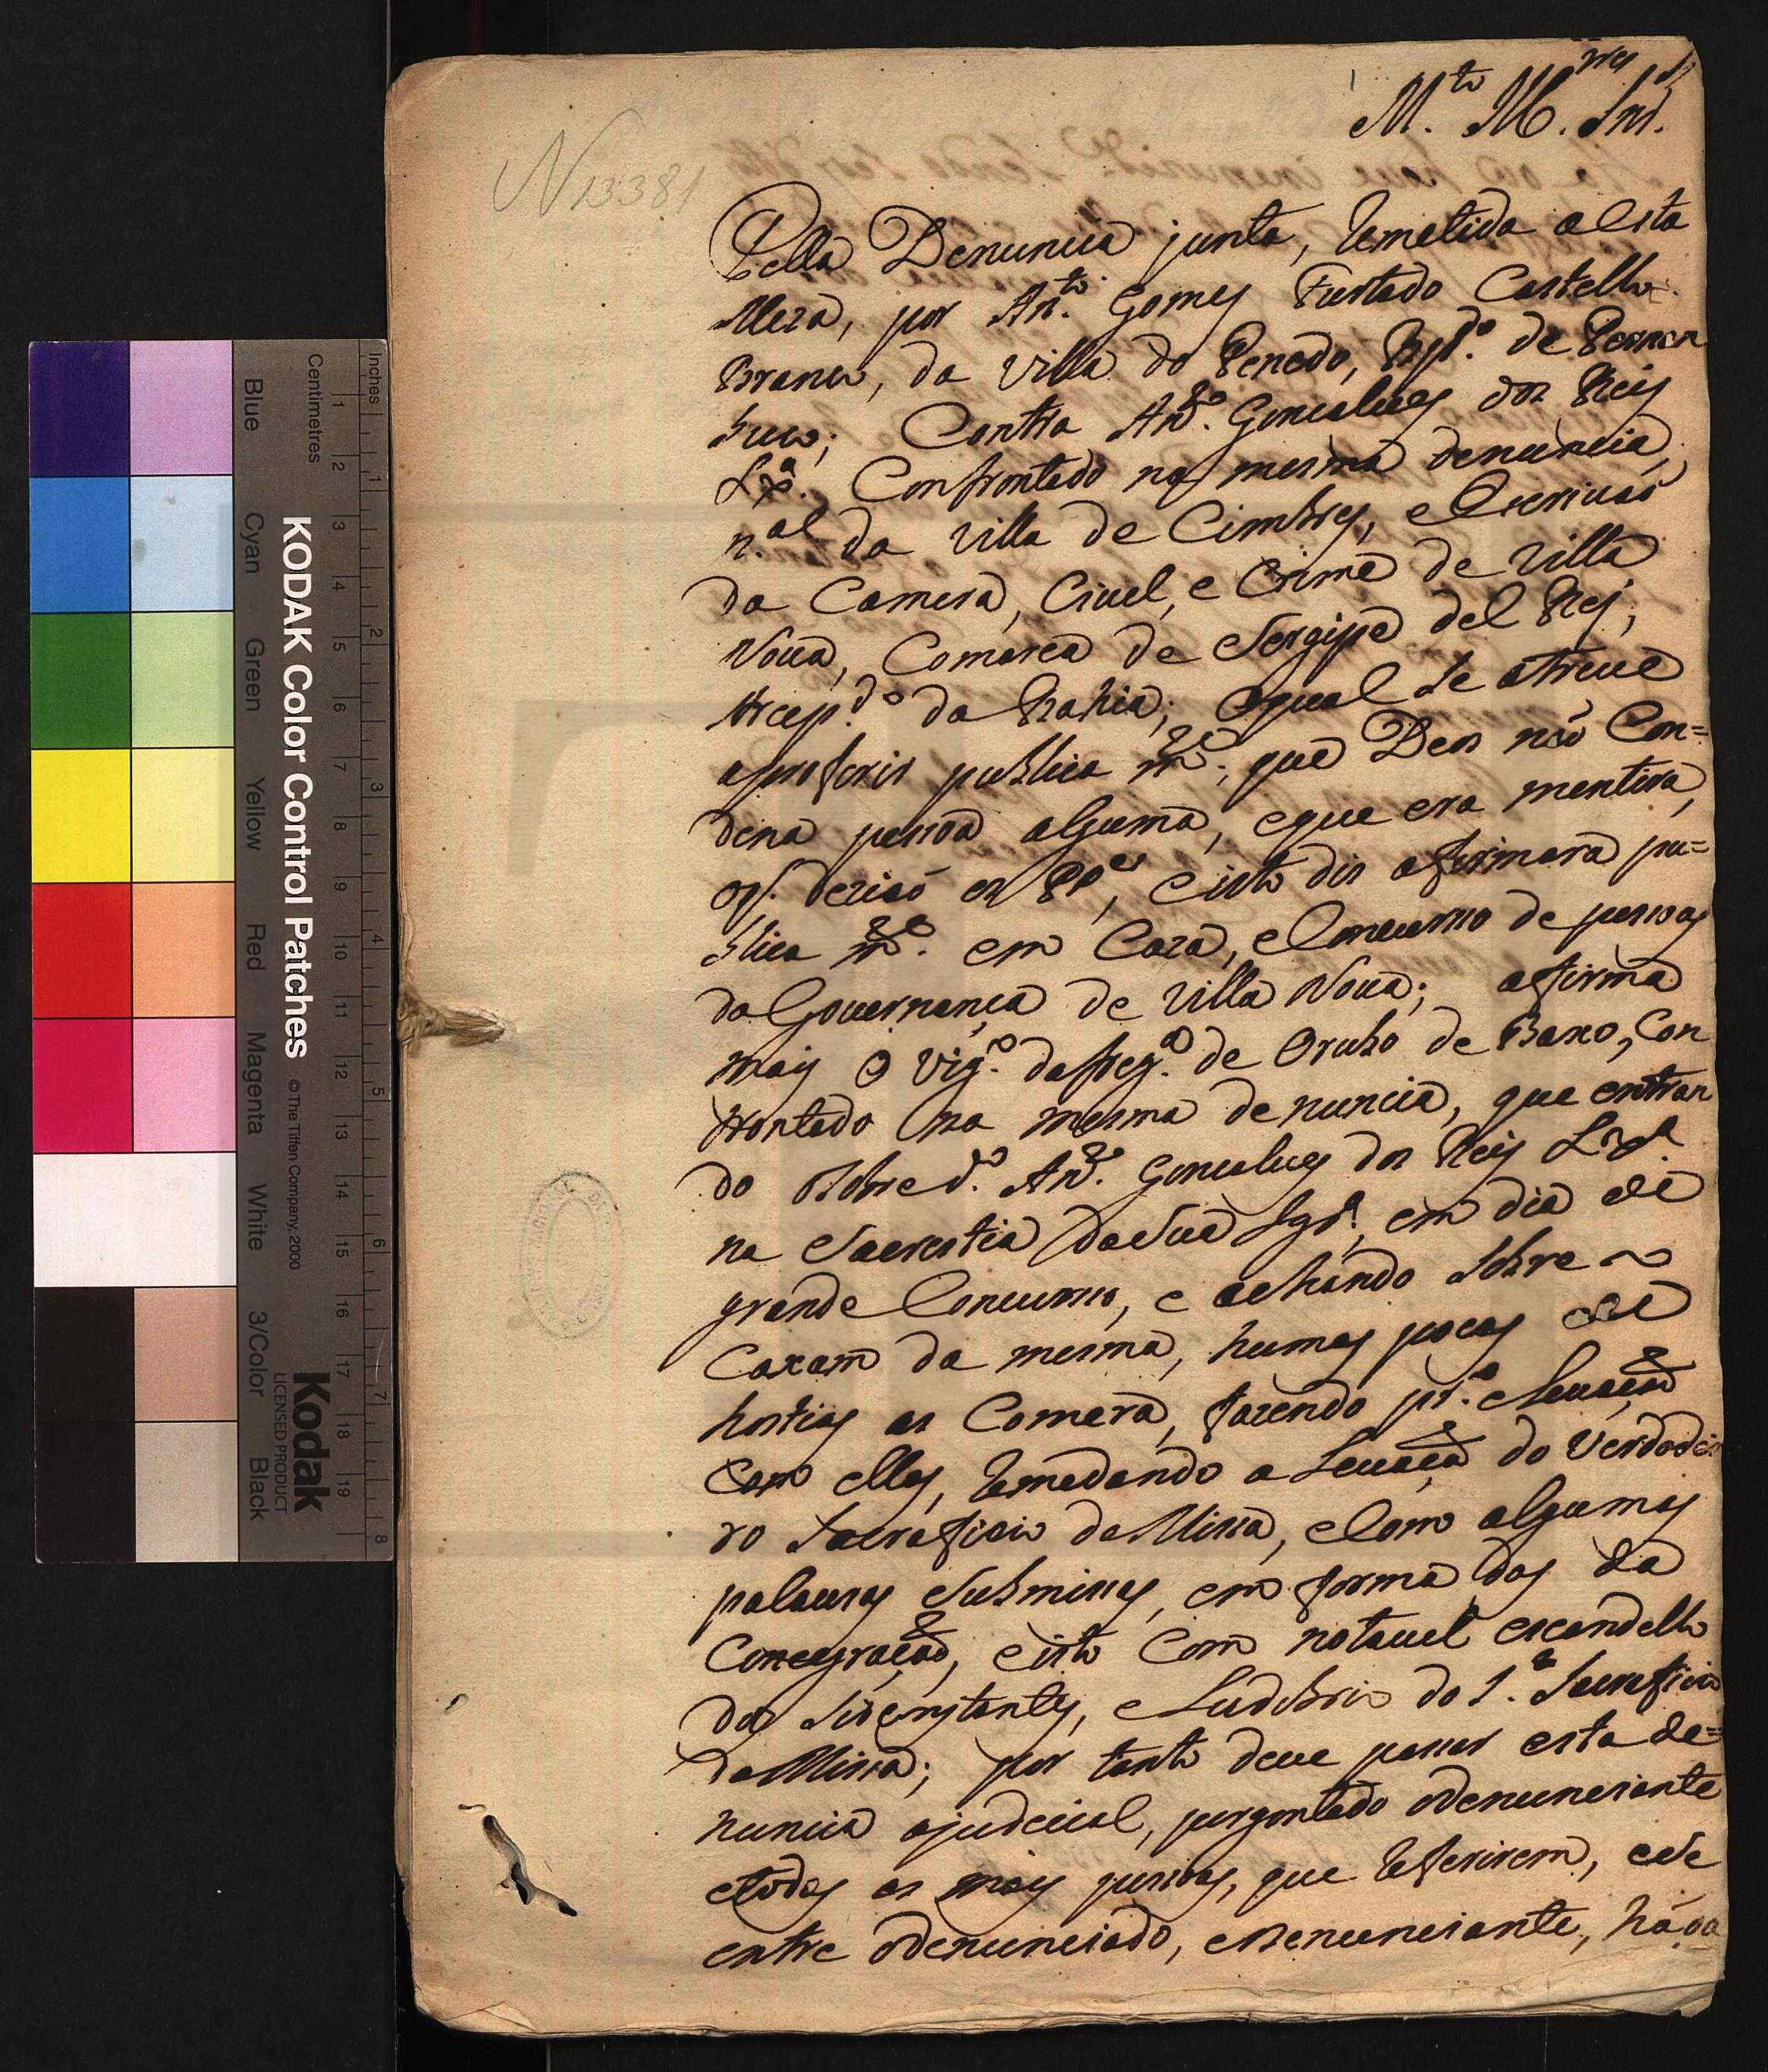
M.to Ill.res. Snr.s
Pella Denuncia junta, Remetida a esta
Meza, por An.to Gomes Furtado Castello
Branco, da Villa do Penedo, Bp.do de Pernan
buco; Contra An.to Goncalues doz Reis
Lxa. Confrontado na mesma denuncia,
n.al da villa de Cimbres, e Escriuaõ
da Camera, Ciuel, e Crime de villa
Noua, Comarca de Sergipe del Rej,
Arcep.do da Bahia; O qual se atreue
a proferir publicamte; que Deos naõ Con
dena pessoa alguma, e que era mentira,
o q̄ deziaõ os PPes, e isto dis afirmara pu
blicamte. em Caza, e Concursso de pessoas
da Gouernança de villa Noua; afirma
mais O vig.o de freg.a de Orubo de Baxo, Con
frontado na mesma denuncia, que entrar
do o sobred.o Ant.o Goncalues dos Reis Lx.a
na Sacrestia da Sua Igr.a em dia de
grande Concursso, e achando sobre o
Caxam da mesma, humas pocas _e
hostias as Comera, fazendo pr.o eleuação
Com ellas, Remedando a Leueçaõ do verdadei
ro Sacreficio de Missa, e Com algumas
palauras Submissas, em forma das da
Concegração, e isto com notauel escandello
dos sirconstantes, e Ludibrio do 1.o Sacreficio
da Missa; portanto deue passer esta de
nuncia a judicial, perguntado o denunciante
e todas as mais pessoas, que Referirem, e se
entre o denunciado, e o denunciante, naõ a
